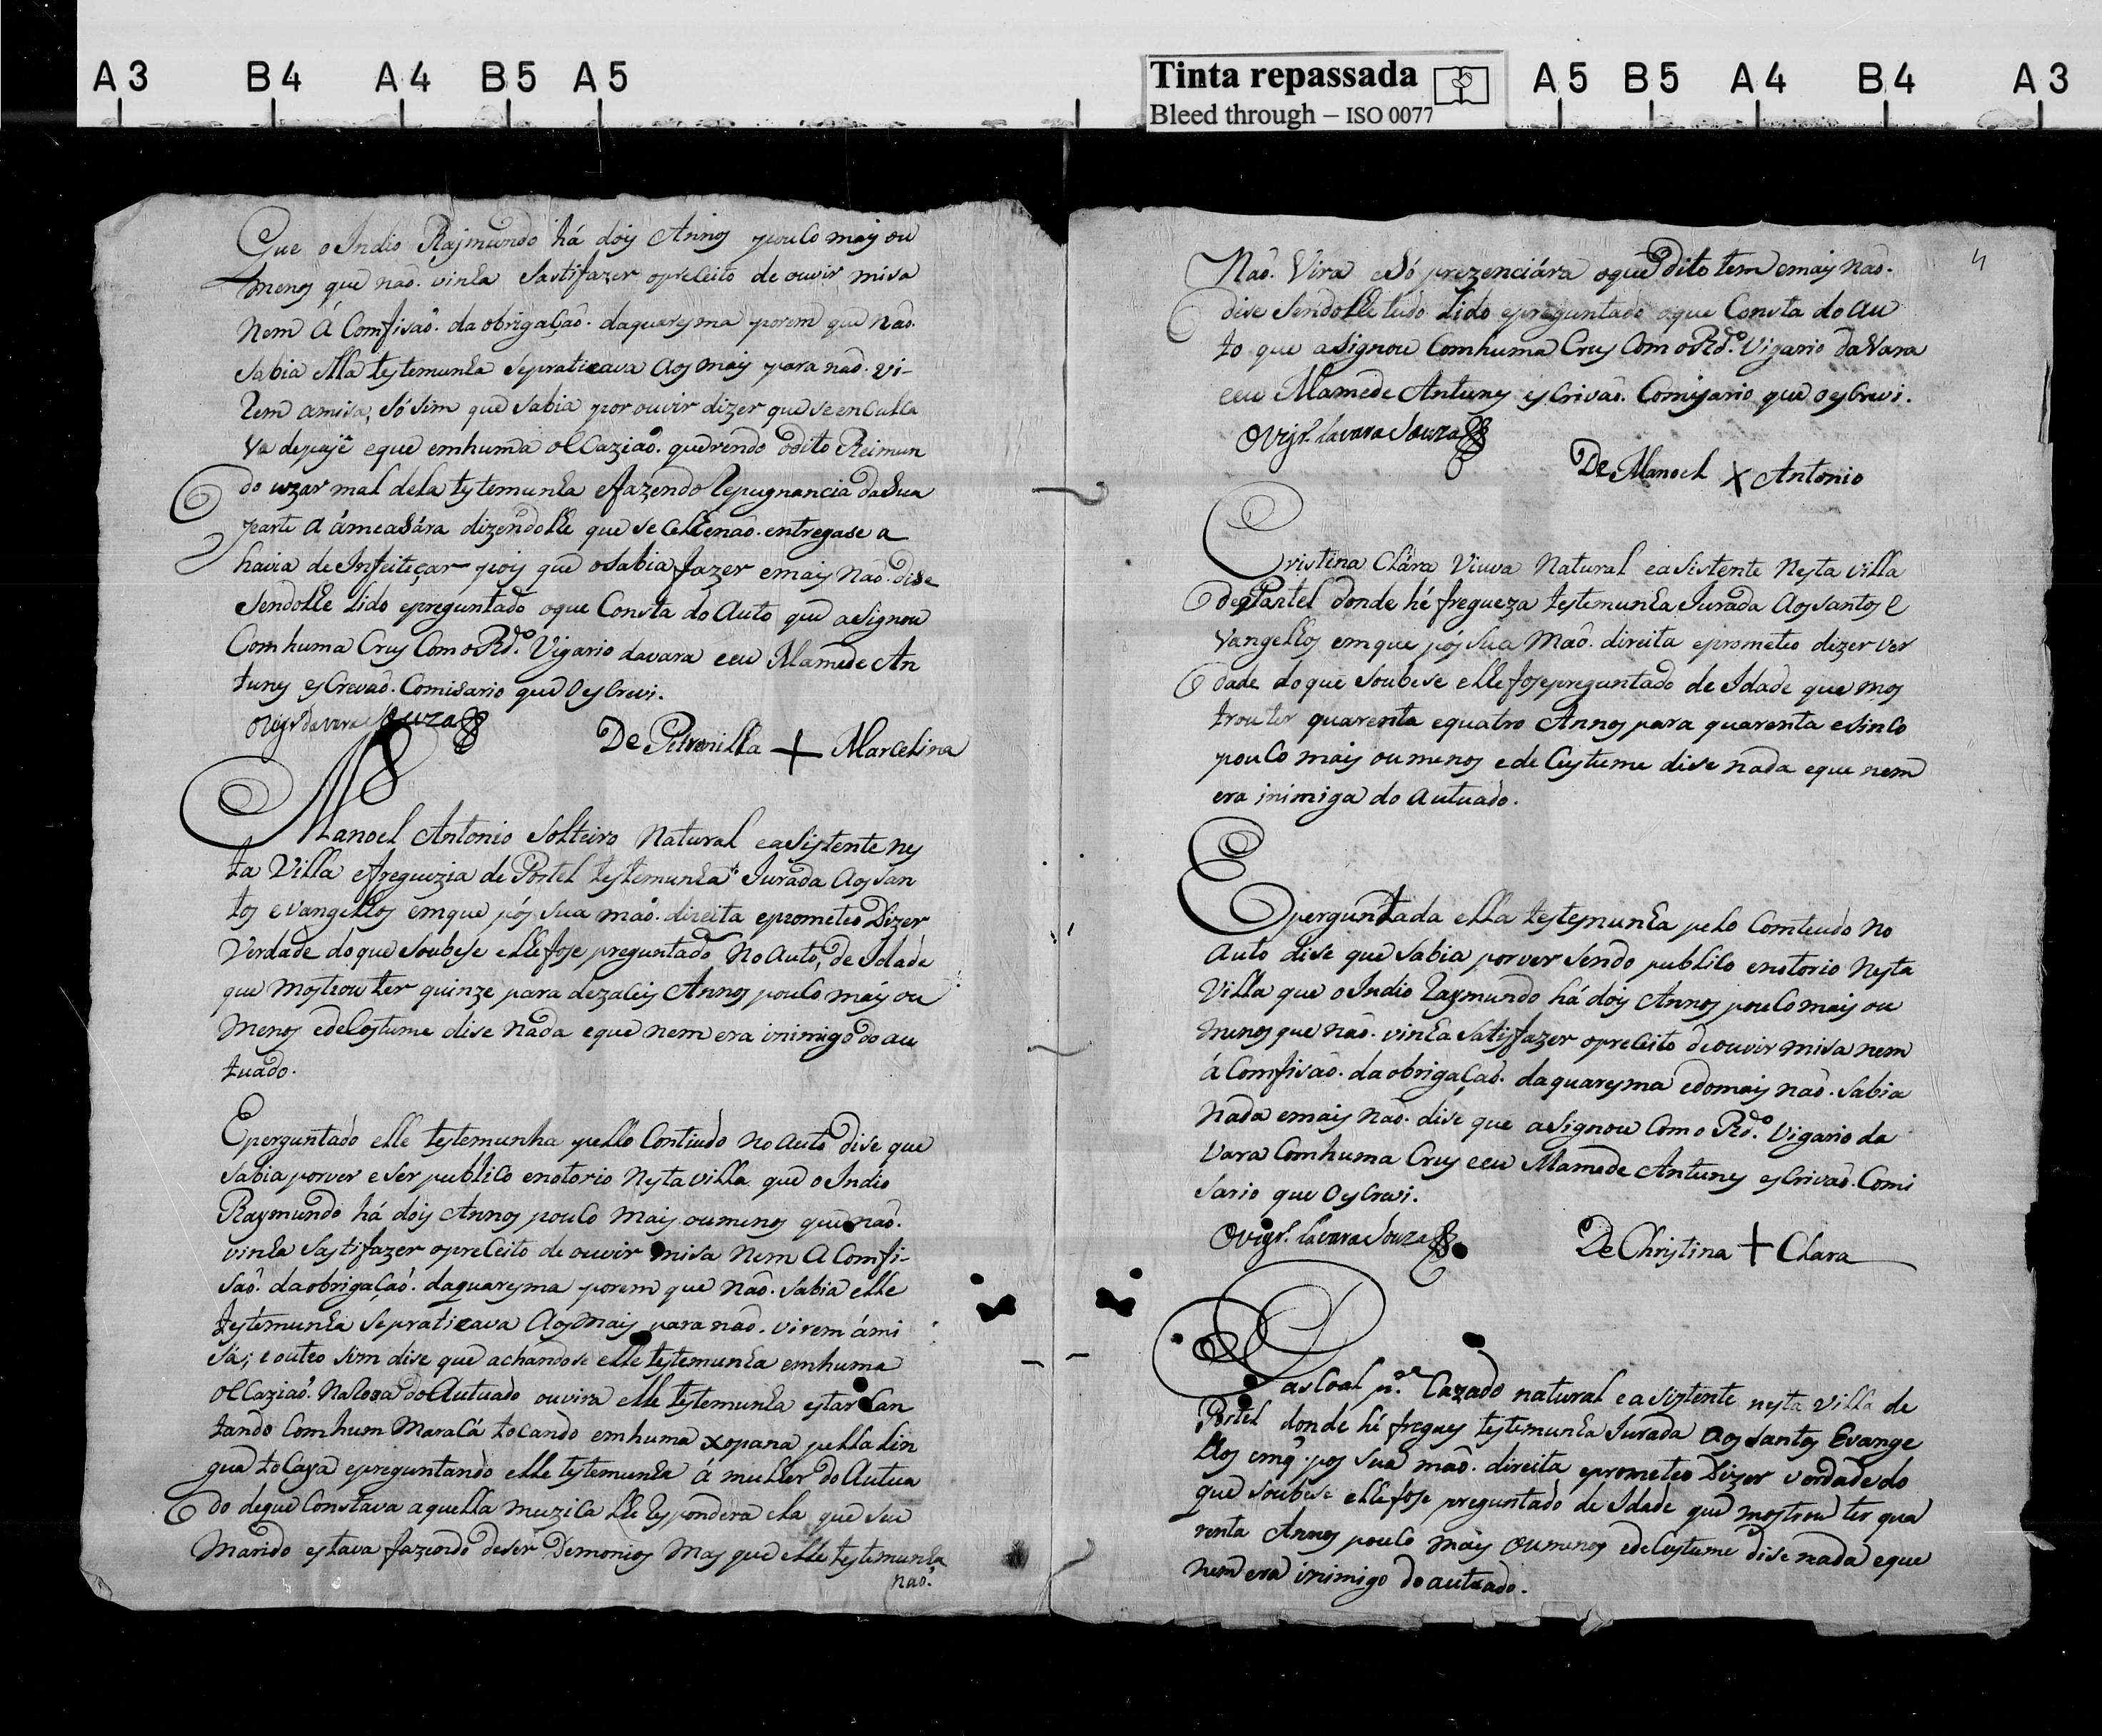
Que o Indio Rajmundo há dois Annos pouCo mais, ou
menos que naõ. vinha Sastifazer o preCeito de ouvir misa
nem Á Comfisaõ. da obrigaÇaõ. da queresma porem que naõ.
sabia ella testemunha se praticava aos mais para naõ. vi
Rem a misa, só sim que sabia por ouvir dizer que se enCulCa
va de pajê e que em huma oCCaziaõ. querendo o dito Reimun
do uzar mal dela testemunha e fazendo Repugnancia da Sua
parte a ámeaSára dizendolhe que se Celhenaõ. entregase a
havia de Infeitiçar pois que o sabia fazer, e mais naõ. dise
sendolhe Lido e preguntado o que Consta do auto que aSignou
Com huma Crus Com o Rd.o Vigario da vara e eu Mamede An
tunes esCrevaõ. Comisario que o esCrevi.
o vigr.o da vara souza
De Petronilla + Marcelina
Manoel Antonio solteiro naturaL e asistente nes
da Villa e freguezia de Portel testemunha Iurada aos san
tos evangelhos em que pós sua maõ. direita e prometeo Dizer
Verdade do que soubese e lhe fose preguntado no auto, de Idade
que mostrou ter quinze para dezaCeis Annos pouCo mais ou
menos e de Costume dise nada e que nem era inimigo do au
tuado.
E perguntado elle testemunha pello Contiudo no auto dise que
sabia por ver e ser publico e notorio nesta villa que o Indio
Raymundo há dois Annos pouCo mais ou menos que naõ.
vinha sastifazer o preCeito de ouvir misa nem A Comfi
saõ. da obrigaÇaõ. da quaresma porem que naõ. sabia elle
testemunha se praticava Aos mais para naõ. virem á mi
sá; e outrosim dise que achandose elle testemunha em huma
oCCaziaõ. Na Rosa do Autuado ouvira elle testemunha estar Can
tando Com hum MaraCá tocando em huma xopana pella Lin
gua toCaya e preguntando elle testemunha á mulher do Autua
do de que Constava aquella muziCa lhe Respondera ela que seu
marido estava fazendo de ser Demonios mas que elle testemunha
naõ.
Naõ. Vira e Só prezenciára o que dito tem e mais naõ.
dise sendolhe tudo Lido e preguntado o que Consta do au
to que asignou Com huma Crus Com o Rd.o Vigario da Vara
e eu Mamede Antunes esCrivaõ. Comisario que o esCrevi.
O Vigr.o da vara Souza
De Manoel x Antonio
Cristina Clara Viuva natural e asistente nesta villa
de Partel donde hé fregueza testemunha Iurada Aos santos e
vangelhos em que pós sua maõ. direita e prometeo dizer ver
dade do que soubese e lhe fose preguntado de Idade que mos
trou ter quarenta e quatro Annos para quarenta e sinCo
pouCo mais ou menos e de Custume dise nada e que nem
era inimiga do autuado.
E perguntada ella testemunha pelo Comteudo no
auto dise que sabia por ver sendo publiCo e notorio nesta
Villa que o Indio Raymundo há dois Annos pouCo mais ou
menos que não vinha satisfazer o preCeito de ouvir misa nem
á Comfisaõ. da obrigaÇaõ da quaresma e do mais naõ sabia
nada e mais naõ. dise que asignou com o Rd.o Vigario da
Vara Com huma Crus e eu Mamede Antunes esCrivaõ. Comi
sario que O esCrevi.
O Vigr.o da vara Souza
de Christina + Clara
PasCoal p.ra Cazado, natural, e asistente nesta villa de
Portel donde hé fregues testemunha Iurada Aos Santos Evange
lhos em q̄ .pos sua maõ. direita e prometeo Dizer verdade do
que soubese e lhe fose preguntado de Idade que mostrou ter qua
renta Annos pouCo mais ou menos e de Custume dise nada e que
nem era inimigo do autoado.
